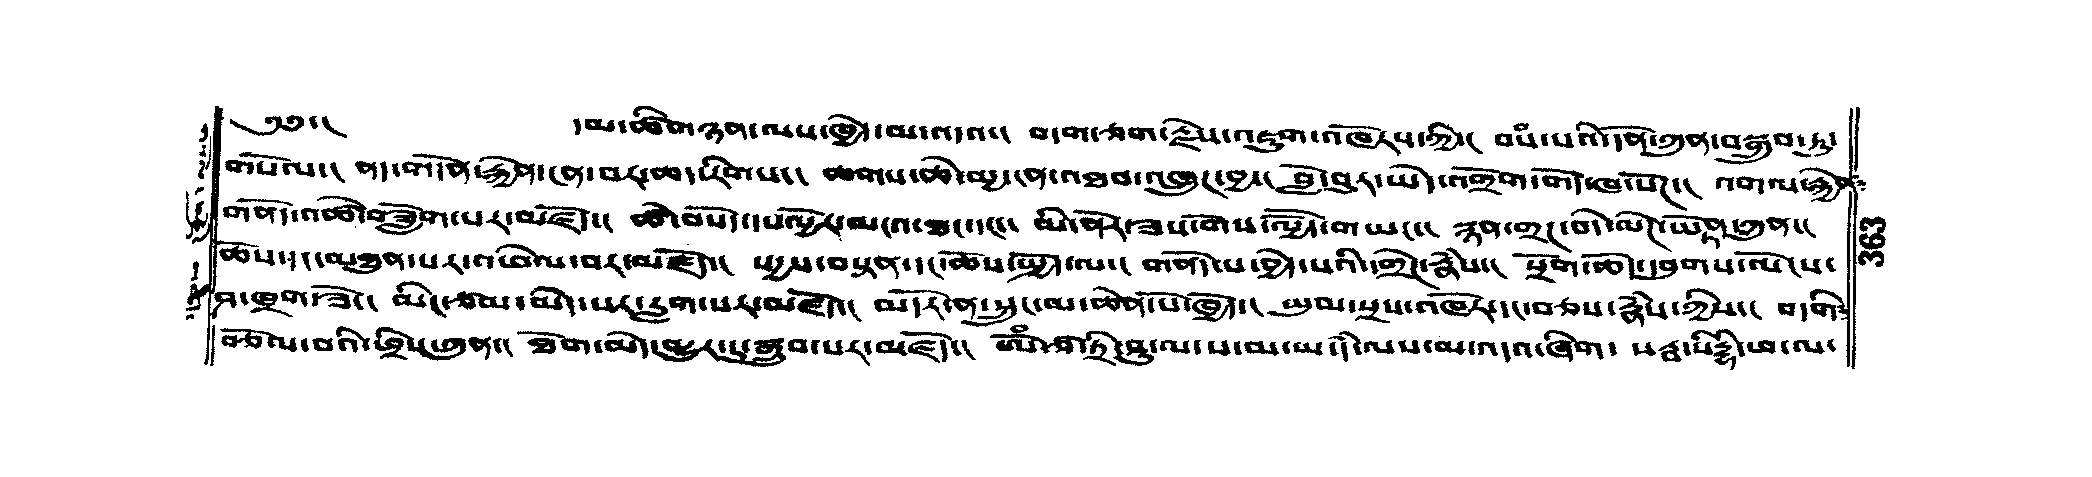དམ་ཚིག་ཉན་ལས་ཁྱེད་མ་འདའ། །བདག་ཅག་རྗེས་འཇུག་འཁོར་བཅས་ཀྱི། །བསམ་པའི་དོན་ཀུན་བསྒྲུབ་ཏུ་
གསོལ། །ནད་གདོན་རྐྱེན་ངན་བར་ཆད་རིགས། །ཆགས་ཆེ་མྱ་ངན་འཐབ་འཁྲུགས་བྱ། །བློ་བུར་ཡོད་འགྲོག་གོད་ཁ་སོགས། །འགལ་རྐྱེན་
གནོད་འཚེ་བཟློག་པར་མཛོད། །ཚེ་བསོད་དཔལ་འབྱོར་མངའ་ཐང་དང་། །མི་ནོར་ཟས་གོས་ལོངས་སྤྱོད་གཡང་། །སྙན་གྲགས་བདེ་ལེགས་ཡོན་ཏན་ཀུན། །
ཆོས་དང་མཐུན་པར་འཕེལ་བར་མཛོད། །སངས་རྒྱས་བསྟན་དང་ཆོས་སྤྱོད་ལ། །གནོད་པ་བྱེད་པའི་དགྲ་གེགས་རྣམས། །སྲོག་ཆོད་དབུགས་ལོངས་
ཤ་ཁྲག་ཟོ། །མིང་ཙམ་མེད་པར་བརླག་པར་མཛོད། །མདོར་ན་སྲུང་མ་ཆེན་པོ་ཁྱོད། །ཡུམ་སྲས་འཁོར་དང་བཅས་རྣམས་ཀྱིས། །བདག་གི་
བཅོལ་བའི་ཕྲིན་ལས་ཀུན། །ཐོག་མེད་མྱུར་དུ་སྒྲུབ་པར་མཛོད། །ཨོྂ་ཙ་ཏྲི་ཤུ་ལ་ས་མ་ཡ་དམ་ལས་མ་འདའ་ཞིག་།སརྦ་སིདྡྷི་ཕ་ལ་